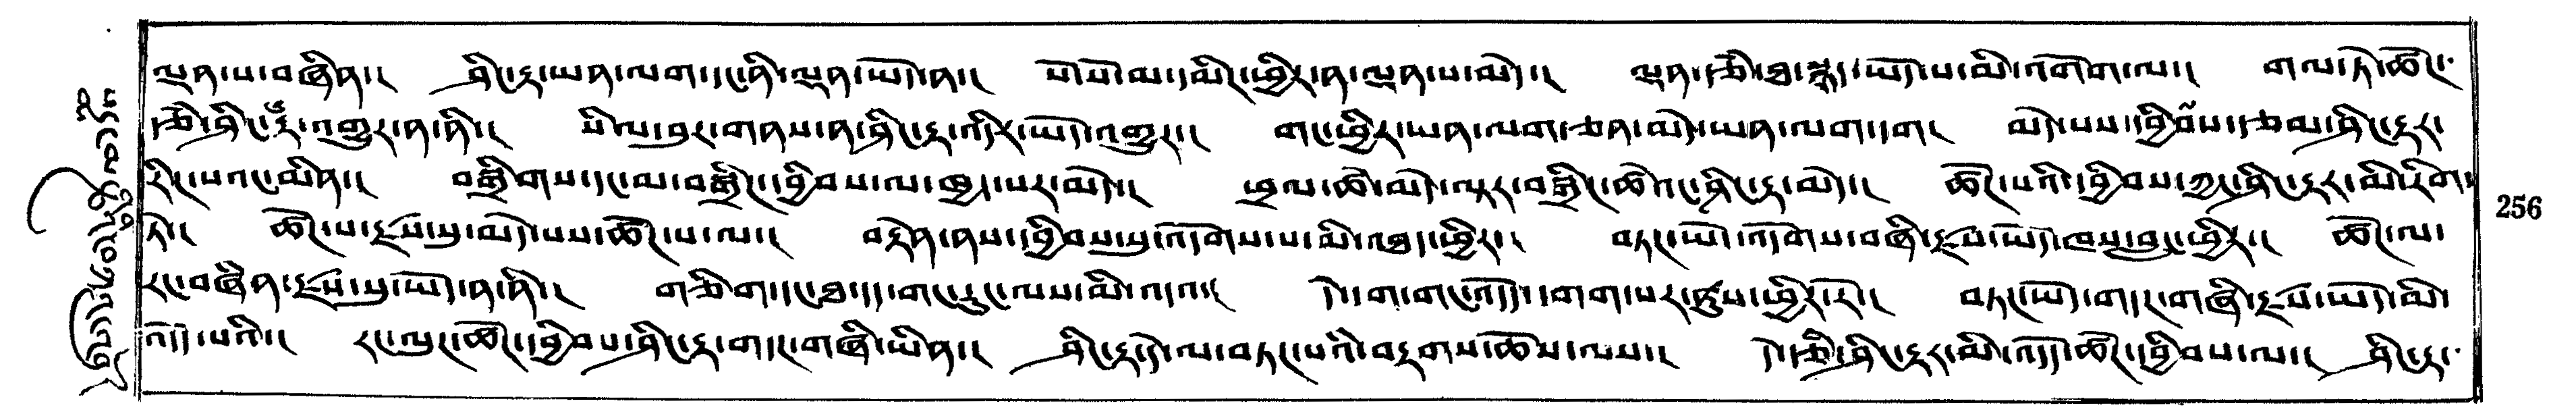ལྡན་པ་བཞིན། །ཤིང་རྟ་ཡན་ལག་དང་ནི་ལྡན་ཡོད་ན། །སོ་སོ་མ་དམིགས་ཕྱིར་ན་ལྡན་པ་མེད། །ལྡན་ཙམ་ཐ་སྙད་ཡོད་པ་མི་འགོག་ལ། །གལ་ཏེ་ཚོགས་
ཙམ་ཤིང་རྟར་འགྱུར་ན་ནི། །སིལ་བུར་གནས་ན་ཤིང་རྟ་འདིར་ཡོད་འགྱུར། །གང་ཕྱིར་ཡན་ལག་ཅན་མེད་ཡན་ལག་དག།མེད་པས་དབྱིབས་ཙམ་ཤིང་རྟར་
རིགས་པའང་མིན། །བསྒྲིགས་དང་མ་བསྒྲིགས་དབྱིབས་ལ་ཁྱད་པར་མེད། །ཕྲལ་ཚེ་མེད་ལྟར་བསྒྲིགས་ཚེའང་ཤིང་རྟ་མེད། །ཚོགས་པའི་དབྱིབས་ཀྱང་ཤིང་རྟར་མི་རིགས་
ཏེ། །ཚོགས་པ་རྫས་སུ་མེད་པས་ཚོགས་པ་ལ། །བརྟེན་ནས་དབྱིབས་སུ་འདོགས་པ་མི་འཐད་ཕྱིར། །བཏགས་ཡོད་འདོགས་བཞི་རྫས་ཡོད་ཁས་བླངས་ཕྱིར། །ཚོགས་ལ་
རང་བཞིན་རྫས་སུ་ཡོད་ན་ནི། །གཅིག་དང་ཐ་དད་གང་རུང་ལས་མི་འདའ། །དེ་དག་གང་འདོད་དགག་པར་ནུས་ཕྱིར་རོ། །བཏགས་ཡོད་གདགས་གཞི་རྫས་ཡོད་མི་
འདོད་པའི། །རང་ལུགས་ཚོགས་དབྱིབས་ཤིང་རྟ་གདགས་གཞི་ཡིན། །ཤིང་རྟ་དེ་ལ་བཏགས་པའི་བརྟགས་ཆོས་ལས། །དེ་ནི་ཤིང་རྟར་མི་འདོད་ཚོགས་དབྱིབས་ལ། །ཤིང་རྟ་